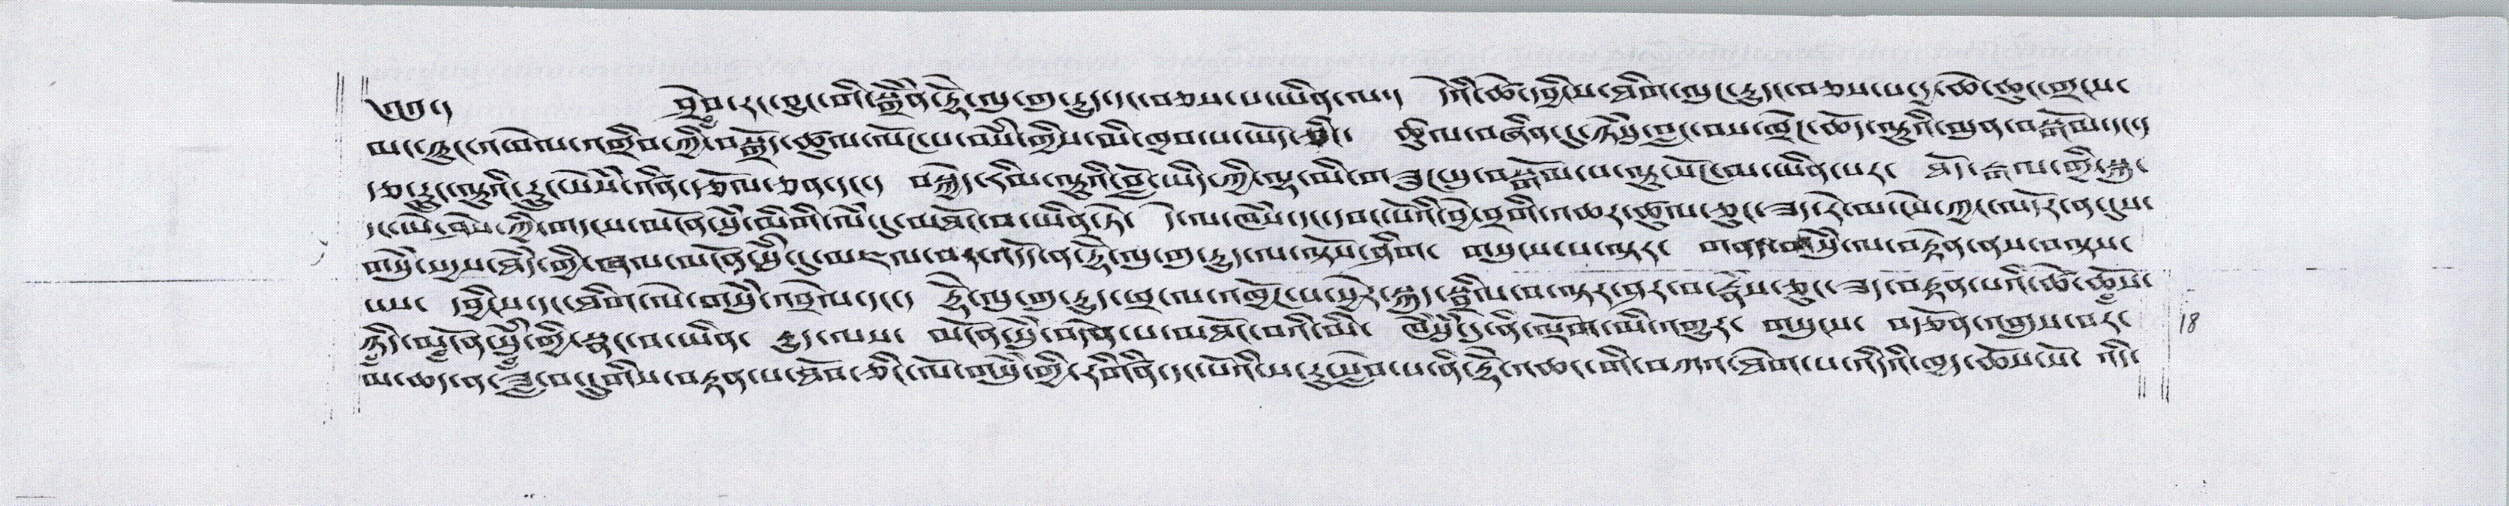ཤེས་རབ་རང་བྱུང་གི་སྒྲོན་མེ་རྡོ་རྗེ་ལུ་གུ་རྒྱུད་དང་བཅས་པ་ཡིན་ལ། དེའི་ཚེ་དབྱིངས་ཐིག་ལུག་རྒྱུད་དང་བཅས་པ་རྒྱ་ཆེ་ཆུང་གྲངས་
མང་ཉུང་འཕེལ་འགྲིབ་ཀྱི་བགྲོད་ཚུལ་ལ་སོགས་པ་བསམ་གྱིས་མི་ཁྱབ་པ་ཡོད་ཅིང་། ཚུལ་བཞིན་དུ་ཉམས་སུ་བླང་བས་ཁྲེག་ཆོད་ལྟ་བུའི་མུན་སྒོམ་དང་། 
རྩ་རླུང་ལྟ་བུའི་རླུང་སེམས་འཛིན་རྩོལ་ཅན་དང་། བསྐྱེད་རིམ་ལྟ་བུའི་བློ་ཡི་དམ་གྱི་ལྷ་མི་གཟུགས་སུ་བསྒོམ་པ་ལྟ་བུ་སོགས་མ་ཡིན་པར། ཐོད་རྒལ་གྱི་སྐུ་
དང་ཡེ་ཤེས་ཀྱི་གདངས་མངོན་སུམ་མིག་གི་ལམ་དུ་མཐོང་བ་ཡིན་ཏེ། དེ་ལ་ཁམས་དང་དབང་པོའི་བྱེ་བྲག་གི་འཆར་ཚུལ་ཅུང་ཟད་རེ་མ་ངེས་ཀྱང་། མདོར་ན་དུས་
གསུམ་སངས་རྒྱས་ཐམས་ཅད་ཀྱི་ཞལ་མངོན་སུམ་དུ་མཇལ་བར་འདོད་ན་རྡོ་རྗེ་ལུ་གུ་རྒྱུད་ལ་ལྟོས་ཤིག གསུངས་པ་ལྟར། གནད་གསུམ་ལ་བརྟེན་ནས་བལྟས་
པས་དབྱིངས་དང་ཐིག་ལེ་སུམ་འབྲེལ་དང་། རྡོ་རྗེ་ལུ་གུ་རྒྱུད་ཕྲ་ལ་འཁྱོགས་པ་གསེར་སྐུད་སྒྲིལ་བ་ལྟར་ཤར་བ་རྣམས་ཅུང་ཟད་བརྟན་པའི་ཚེ་ཆོས་
ཉིད་མངོན་སུམ་གྱི་སྣང་བ་ཡིན། རྒྱུད་ལས། མངོན་སུམ་བདེན་པ་མཐོང་བའི་མི། ཁམས་གསུམ་དུ་ནི་ལྡོག་མི་འགྱུར་གསུངས། བརྩོན་འགྲུས་བར་
མ་ཆད་ན་ཟླ་བ་དྲུག་གིས་བརྟན་པ་ཐོབ་ཅིང་ལོ་གསུམ་གྱིས་རིག་འཛིན་དང་པོའི་ས་རུ་སླེབས་པ་ནི་རྡོ་རྗེ་འཆང་གི་བཀའ་ཐེག་པ་འདིའི་ཁྱད་ཆོས་སོ། །འདི་